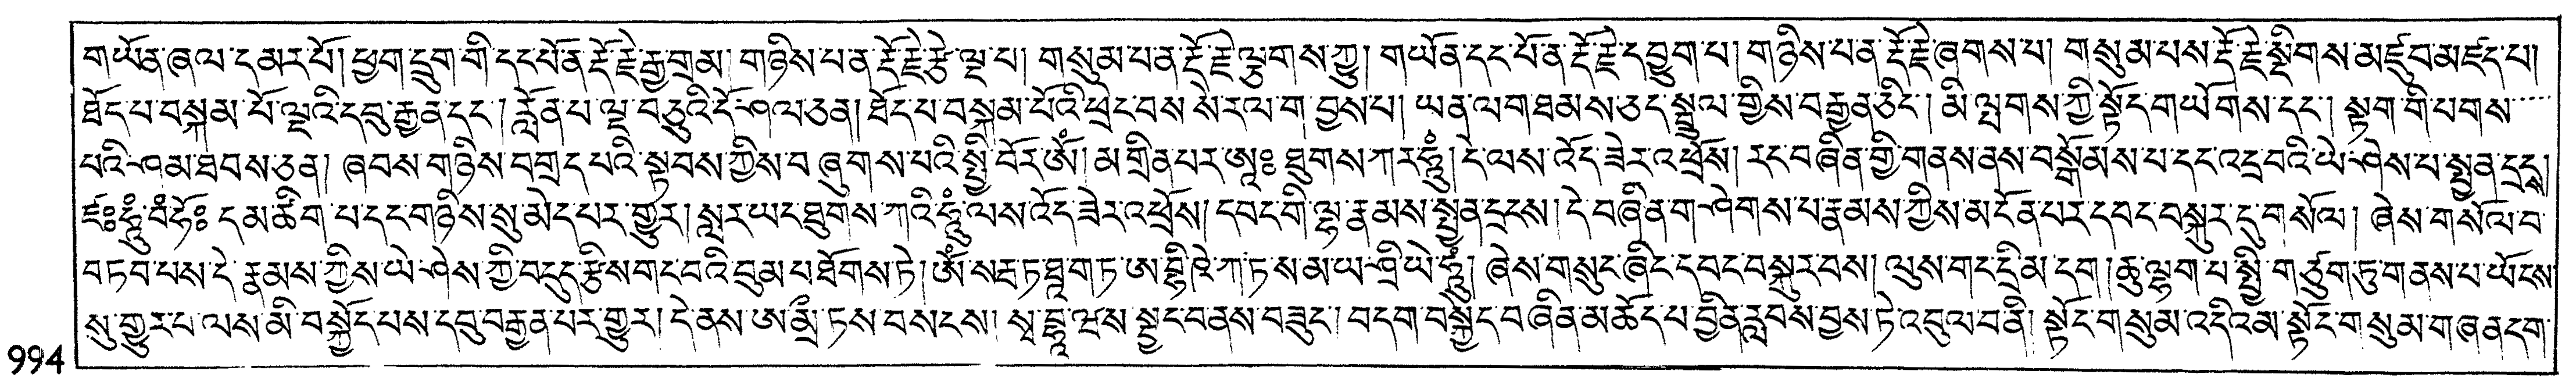གཡོན་ཞལ་དམར་པོ། ཕྱག་དྲུག་གི་དང་པོ་ན་རྡོ་རྗེ་རྒྱ་གྲམ། གཉིས་པ་ན་རྡོ་རྗེ་རྩེ་ལྔ་པ། གསུམ་པ་ན་རྡོ་རྗེ་ལྕགས་ཀྱུ། གཡོན་དང་པོ་ན་རྡོ་རྗེ་དབྱུག་པ། གཉིས་པ་ན་རྡོ་རྗེ་ཞགས་པ། གསུམ་པས་རྡོ་རྗེ་སྡིགས་མཛུབ་མཛད་པ།
ཐོད་པ་བསྐམ་པོ་ལྔའི་དབུ་རྒྱན་དང་། རློན་པ་ལྔ་བཅུའི་དོ་ཤལ་ཅན། ཐོད་པ་བསྐམ་པོའི་ཕྲེང་བས་སེ་རལ་ག་བྱས་པ། ཡན་ལག་ཐམས་ཅད་སྦྲུལ་གྱིས་བརྒྱན་ཅིང་། མི་ལྤགས་ཀྱི་སྟོད་གཡོགས་དང་། སྟག་གི་པགས་
པའི་ཤམ་ཐབས་ཅན། ཞབས་གཉིས་བགྲད་པའི་སྟབས་ཀྱིས་བཞུགས་པའི་སྤྱི་བོར་ཨོཾ། མགྲིན་པར་ཨཱཿ ཐུགས་ཀར་ཧཱུཾ། དེ་ལས་འོད་ཟེར་འཕྲོས། རང་བཞིན་གྱི་གནས་ནས་བསྒོམས་པ་དང་འདྲ་བའི་ཡེ་ཤེས་པ་སྤྱན་དྲངས།
ཛཿ ཧཱུཾ་བཾ་ཧོཿ དམ་ཚིག་པ་དང་གཉིས་སུ་མེད་པར་གྱུར། སླར་ཡང་ཐུགས་ཀའི་ཧཱུཾ་ལས་འོད་ཟེར་འཕྲོས། དབང་གི་ལྷ་རྣམས་སྤྱན་དྲངས། དེ་བཞིན་གཤེགས་པ་རྣམས་ཀྱིས་མངོན་པར་དབང་བསྐུར་དུ་གསོལ། ཞེས་གསོལ་བ་
བཏབ་པས་དེ་རྣམས་ཀྱིས་ཡེ་ཤེས་ཀྱི་བདུད་རྩིས་གང་བའི་བུམ་པ་ཐོགས་ཏེ། ཨོཾ་སརྦ་ཏ་ཐཱ་ག་ཏ་ཨ་བྷི་ཥེ་ཀ་ཏ་ས་མ་ཡ་ཤྲི་ཡེ་ཧཱུཾ། ཞེས་གསུང་ཞིང་དབང་བསྐུར་བས། ལུས་གང་དྲི་མ་དག །ཆུ་ལྷག་པ་སྤྱི་གཙུག་ཏུ་གནས་པ་ཡོངས་
སུ་གྱུར་པ་ལས་མི་བསྐྱོད་པས་དབུ་བརྒྱན་པར་གྱུར། དེ་ནས་ཨ་མྲྀ་ཏས་བསངས། སྭ་བྷཱ་ཝས་སྦྱང་བ་ནས་བཟུང་། བདག་བསྐྱེད་བཞིན་མཆོད་པ་བྱིན་རླབས་བྱས་ཏེ་འབུལ་བ་ནི། སྟོང་གསུམ་འདིའམ་སྟོང་གསུམ་གཞན་དག་